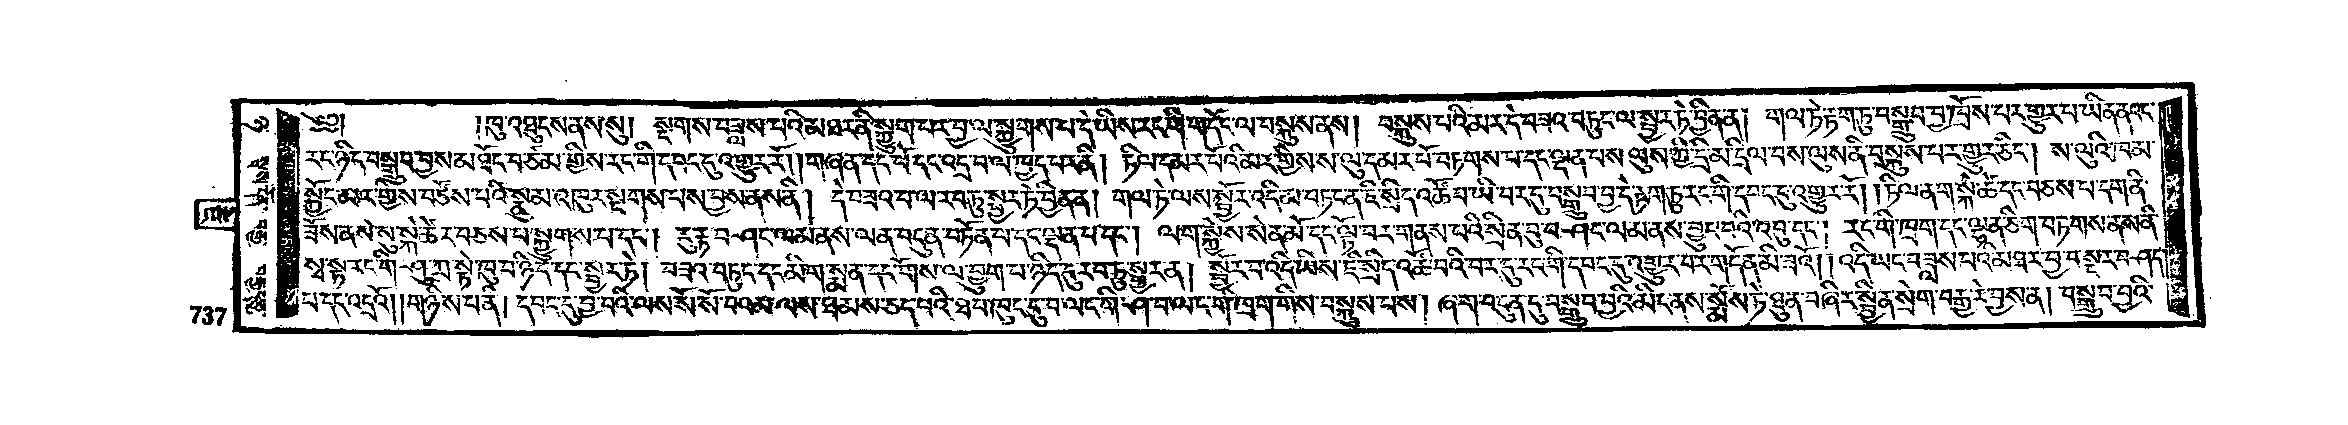༄༅། །ཁུ་འཐུངས་ནས་སུ། སྔགས་བཟླས་པའི་མཐར་ནི་སྐྱུག་པར་བྱ་ལ་སྐྱུགས་པ་དེ་ཡིས་རང་གི་གདོང་ལ་བསྐུས་ནས། བསྐུས་པའི་མར་དེ་བཟའ་བཏུང་ལ་སྦྱར་ཏེ་བྱིན་ན། གལ་ཏེ་རྟག་ཏུ་བསྒྲུབ་བྱ་ཁྲོས་པར་གྱུར་པ་ཡིན་ནའང་
རང་ཉིད་བསྒྲུབ་བྱས་མཐོང་བ་ཙམ་གྱིས་རང་གི་དབང་དུ་འགྱུར་རོ། །གཞན་དང་པོ་དང་འདྲ་བ་ལ་ཁྱད་པར་ནི། ཏིལ་དམར་པོའི་མར་གྱིས་ས་ལུ་དམར་པོ་བཏགས་པ་དང་ལྡན་པས་ལུས་ཀྱི་དྲི་མ་དྲིལ་བས་ལུས་ནི་བསྐུས་པར་གྱུར་ཅིང་། ས་ལུའི་ཁམ་
སྐྱོང་མར་གྱིས་བཙོས་པའི་སྣུམ་འཁུར་སྔགས་པས་བྱས་ནས་ནི། དེ་བཟའ་བ་ལ་རབ་ཏུ་སྦར་ཏེ་བྱིན་ན། གལ་ཏེ་ལས་སྦྱོར་འདི་མ་བཏང་ན་ཇི་སྲིད་འཚོ་བ་ཡི་བར་དུ་བསྒྲུབ་བྱ་དེ་རྟག་ཏུ་རང་གི་དབང་དུ་འགྱུར་རོ། །ཏིལ་ནག་སྐེ་ཚེ་དང་བཅས་པ་དག་ནི་
ཟོས་ནས་སུ་སྐེ་ཚོར་བཅས་པ་སྐྱུགས་པ་དང་། རུ་རྟ་བཤང་ལམ་ནས་ལན་བདུན་བཏོན་པ་དང་ལྡན་པ་དང་། ལག་སྐྱེས་སེན་མོ་དང་ལྟོ་བར་གནས་པའི་སྲིན་བུ་བཤང་ལམ་ནས་བྱུང་བའི་འབུ་དང་། རང་གི་ཁྲག་དང་ལྷན་ཅིག་བཏགས་ནས་ནི་
སྭ་སྟེ་རང་གི་ཤུ་ཀྲ་སྟེ་ཁུ་བ་ཉིད་དང་སྦྱར་ཏེ། བཟའ་བཏུང་དང་མིག་སྨན་དང་གོས་ལ་བྱུག་པ་ཉིད་དུ་རབ་ཏུ་སྦྱར་ན། སྦྱོར་བ་འདི་ཡིས་ཇི་སྲིད་འཚོ་བའི་བར་དུ་རང་གི་དབང་དུ་འགྱུར་བར་གདོན་མི་ཟའོ། །འདི་ཡང་བཟླས་པའི་མཐར་བྱ་བ་སྔར་བཤད་
པ་དང་འདྲའོ། །གཉིས་པ་ནི། དབང་དུ་བྱ་བའི་ལས་སོ་སོ་བའམ་ལས་ཐམས་ཅད་པའི་ཐབ་ཁུང་དུ་བ་ལང་གི་ཤ་བ་ལང་གི་ཁྲག་གིས་བསྐུས་པས། ཞག་བདུན་དུ་བསྒྲུབ་བྱའི་མིང་ནས་སྨོས་ཏེ་ཐུན་བཞིར་སྦྱིན་སྲེག་བརྒྱ་རེ་བྱས་ན། བསྒྲུབ་བྱའི་